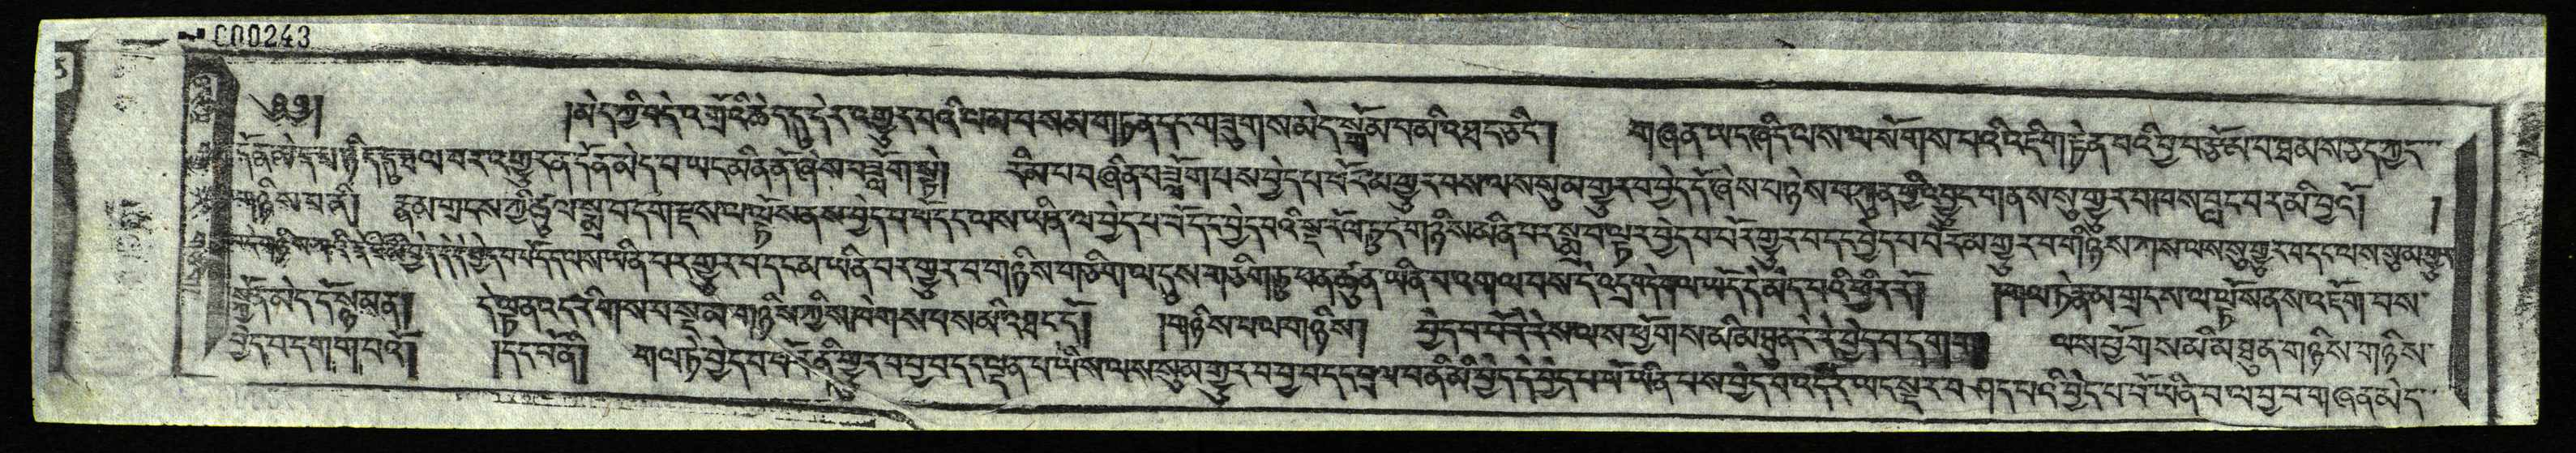༄༅། །མེད་ཀྱི་བདེ་འགྲོའི་ཆེད་དུ་དེར་འགྱུར་བའི་ལམ་བསམ་གཏན་དང་གཟུགས་མེད་སྒོམ་པ་མི་འཐད་ཅིང་། གཞན་ཡང་ཞིང་ལས་ལ་སོགས་པའི་འཇིག་རྟེན་པའི་བྱ་བ་རྩོམ་པ་ཐམས་ཅད་ཀྱང་
དོན་མེད་པ་ཉིད་དུ་ཐལ་བར་འགྱུར་ན་དོན་མེད་པ་ཡང་མིན་ནོ་ཞེས་བཟློག་སྟེ། རིམ་པ་བཞིན་བཟློག་པས་བྱེད་པ་པོར་མ་གྱུར་བས་ལས་སུ་མ་གྱུར་བ་བྱེད་དོ་ཞེས་པ་ཉེས་པ་ཀུན་གྱི་འབྱུང་གནས་སུ་གྱུར་བ་ཁས་བླང་བར་མི་བྱའོ། །
གཉིས་པ་ནི། རྣམ་གྲངས་ཀྱི་ཚུལ་སྨྲ་བ་དག་རྫས་ལ་ལྟོས་ནས་བྱེད་པ་པོ་དང་ལས་ཡིན་ལ་བྱེད་པ་བོ་དང་བྱེད་བའི་སྔ་རོལ་ཏུ་དེ་གཉིས་མིན་པར་སྨྲ་བ་ལྟར་བྱེད་པ་པོར་གྱུར་པ་དང་བྱེད་པ་པོར་མ་གྱུར་བ་གཉིས་ཀས་ལས་སུ་གྱུར་བ་དང་ལས་སུ་མ་གྱུར་
པ་དེ་གཉིས་པའི་ངོ་བོ་མི་བྱེད་དེ་དེ་བྱེད་པ་དད་ལས་ཡིན་པར་གྱུར་བ་དང་མ་ཡིན་བར་གྱུར་བ་གཉིས་གཅིག་ལ་དུས་གཅིག་ཏུ་ཕན་ཚུན་ཡིན་པ་འགལ་བས་དེ་འདྲ་བ་དེ་དག་ལ་ཡོད་དེ་མེད་པའི་ཕྱིར་རོ། །གལ་ཏེ་རྣམ་གྲངས་ལ་ལྟོས་ནས་འཇོག་པས་
སྐྱོན་མེད་དོ་སྙམ་ན། དེ་ལྟ་ནའང་རིགས་པ་སྔ་མ་གཉིས་ཀྱིས་ཁེགས་པས་མི་འཐད་དོ། །གཉིས་པ་ལ་གཉིས། བྱེད་པ་པོ་རེ་རེས་ལས་ཕྱོགས་མི་མཐུན་རེ་རེ་བྱེད་པ་དགག། ལས་ཕྱོགས་མི་མཐུན་གཉིས་གཉིས་
བྱེད་པ་དགག་པའོ། །དང་པོ་ནི། གལ་ཏེ་བྱེད་པ་པོར་ནི་གྱུར་བ་བྱ་བ་དང་ལྡན་པ་ཡིས་ལས་སུ་མ་གྱུར་བ་བྱ་བ་དང་བྲལ་བ་ནི་མི་བྱེད་དེ་བྱེད་པ་པོ་ཡིན་པས་བྱེད་པ་འདིར་ཡང་སྔར་བཤད་པའི་བྱེད་པ་པོ་ཡིན་པ་ལ་བྱ་བ་གཞན་མེད་